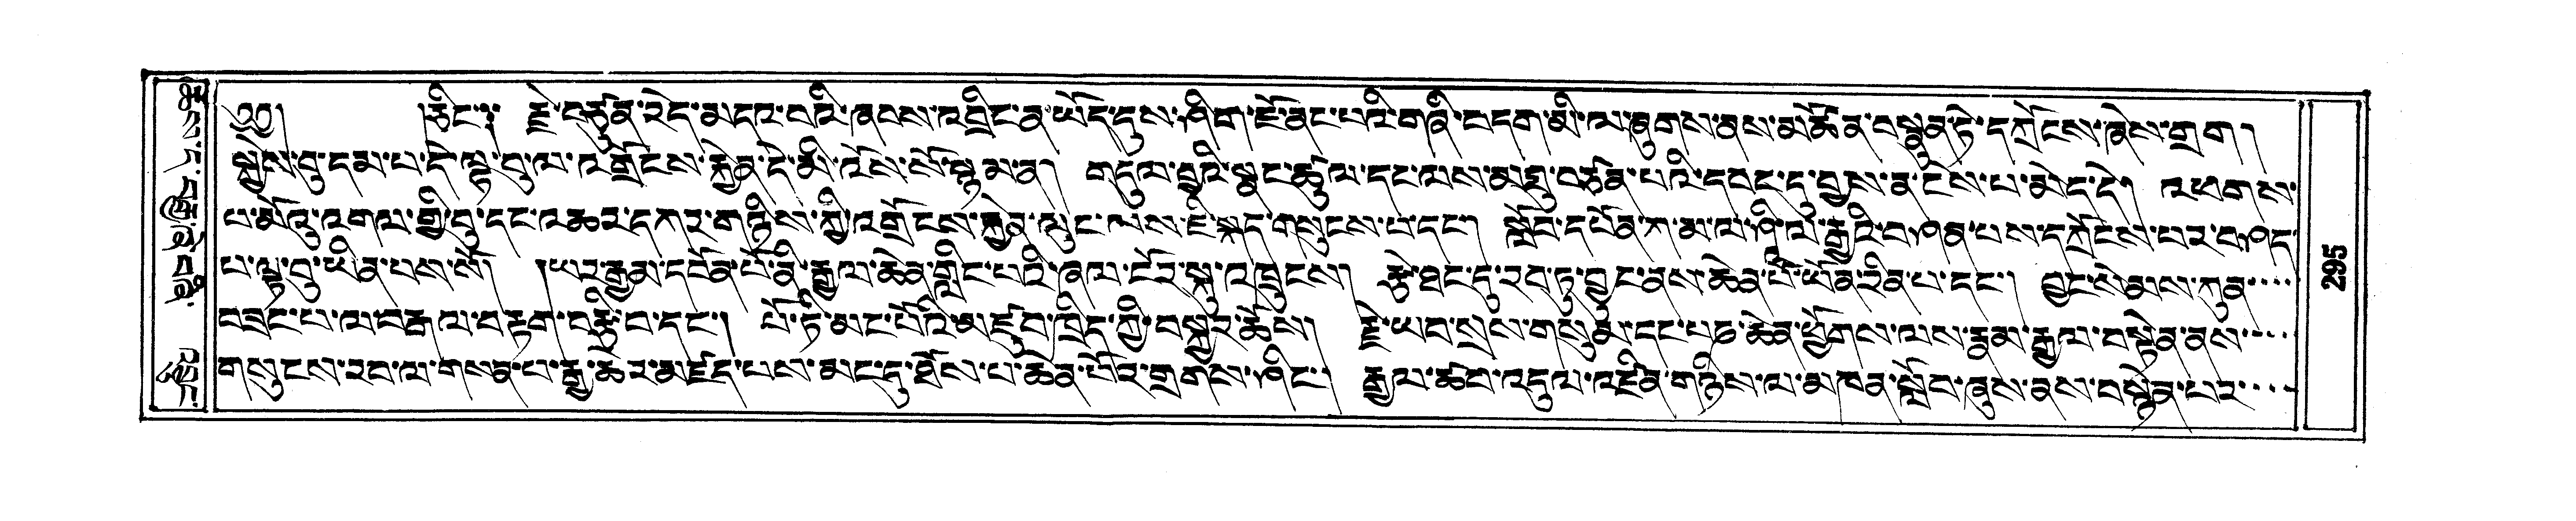༄༅། །ཅིང༑ རྗེ་བཙུན་རེད་མདའ་བའི་ཞབས་འབྲིང་ན་ཡོད་དུས་ཤིག་ཇོ་ནང་པའི་གཞི་བདག་མི་ལ་ཞུགས་ནས་མཚོན་བསྣུན་ཏེ་དཀྲོངས་ཞེས་གྲག།
སྐྱེས་བུ་དམ་པ་དེ་ལྟ་བུ་ལ་འགྲོངས་རྐྱེན་དེ་མི་འོས་སོ་སྙམ་ན། གདུལ་བྱའི་སྣང་ཚུལ་དང་ལས་མཐུ་བཙན་པའི་དབང་དུ་བྱས་ན་ངེས་པ་མེད་དེ། འཕགས་
པ་མོའུ་འགལ་གྱི་བུ་དང་འཆར་དཀར་གཉིས་ཀྱི་འགྲོངས་རྐྱེན་ལུང་ལས་ཇི་སྐད་གསུངས་པ་དང་། སློབ་དཔོན་ཀ་མ་ལ་ཤཱི་ལ་རྒྱའི་བཤན་པས་དཀྲོངས་པར་བཤད་
པ་ལྟ་བུ་ཡིན་པས་སོ། །ཡར་རྒྱམ་དབོན་པོ་ནི་རྒྱལ་ཆེན་གླིང་པའི་ཞལ་ངོར་སྐུ་འཁྲུངས། རྩེ་ཐང་དུ་རབ་ཏུ་བྱུང་ནས་ཆེན་པོ་ཡོན་རིན་པ་དང་། བྱང་སེམས་ཀུན་
བཟང་པ་ལ་བརྒལ་བརྟག་བརྩི་བ་དང་། པོ་ཏི་མང་པོའི་མཛུབ་ཁྲིད་ཀྱི་བསྐྱར་ཆོས། རྗེ་ཡབ་སྲས་གསུམ་དང་པཎ་ཆེན་ཕྱོགས་ལས་རྣམ་རྒྱལ་བསྟེན་ནས་
གསུངས་རབ་ལ་གསན་པ་རྒྱ་ཆེར་མཛད་པས་མང་དུ་ཐོས་པ་ཆེན་པོར་གྲགས་ཤིང་། རྒྱལ་ཚབ་འདུལ་འཛིན་གཉིས་ལ་མཁན་སློབ་ཞུས་ནས་བསྙེན་པར་